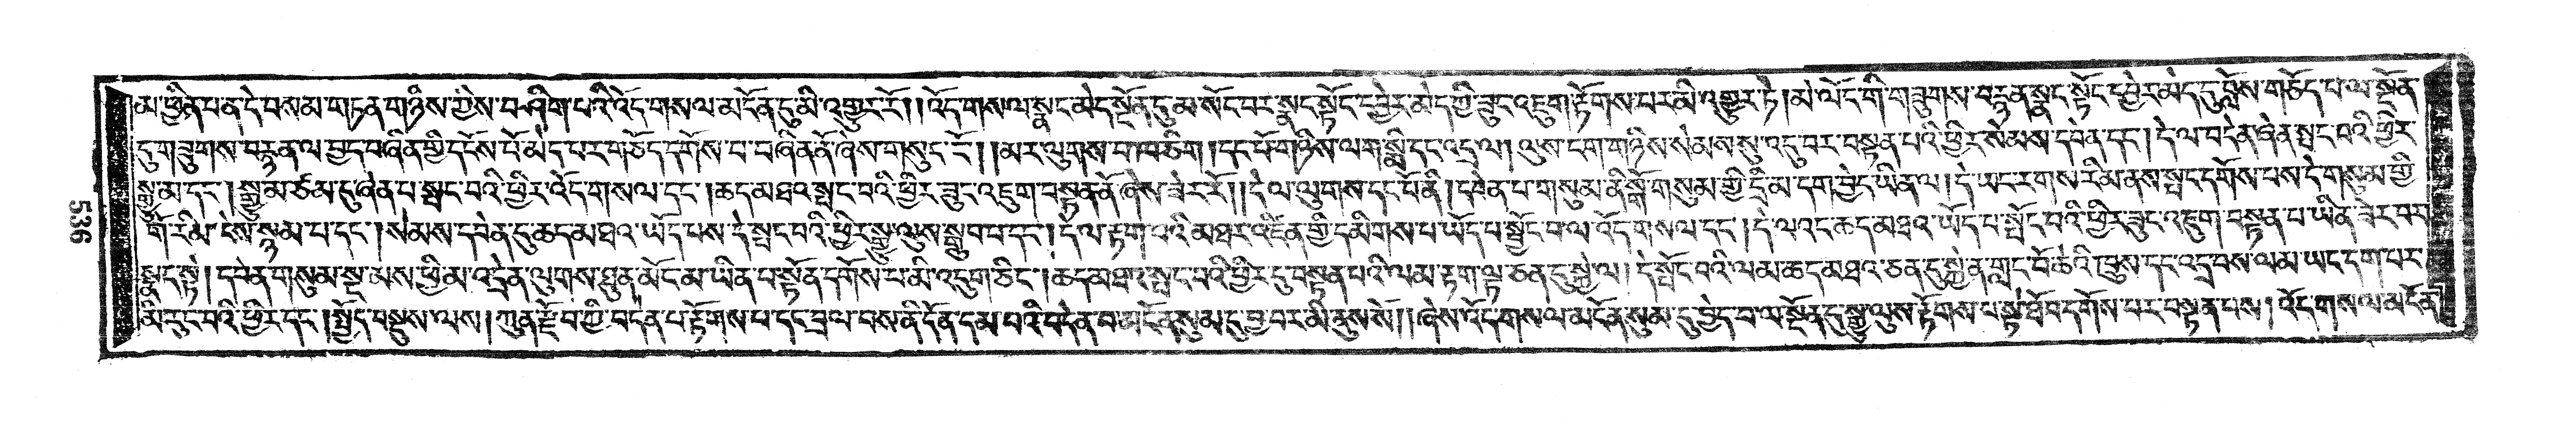མ་ཕྱིན་པ་ན་དེ་བསམ་གཏན་གཉིས་ཀྱིས་བཤིག་པའི་འོད་གསལ་མངོན་དུ་མི་འགྱུར་རོ། །འོད་གསལ་སྣང་མེད་སྔོན་དུ་མ་སོང་བར་སྣང་སྟོང་དབྱེར་མེད་ཀྱི་ཟུང་འཇུག་རྟོགས་པར་མི་འགྱུར་ཏེ། མེ་ལོང་གི་གཟུགས་བརྙན་སྣང་སྟོང་དབྱེར་མེད་དུ་བློས་གཅོད་པ་ལ་སྔོན་
དུ་གཟུགས་བརྙན་ལ་བྱད་བཞིན་གྱི་དངོས་པོ་མེད་པར་གཅོད་དགོས་པ་བཞིན་ནོ་ཞེས་གསུང་ངོ། །མར་ལུགས་པ་ཁ་ཅིག །དང་པོ་གཉིས་ལག་སྨི་དང་འདྲ་ལ། ལུས་ངག་གཉིས་སེམས་སུ་འདུ་བར་བསྟན་པའི་ཕྱིར་སེམས་དབེན་དང་། དེ་ལ་བདེན་ཞེན་སྤང་བའི་ཕྱིར་
སྒྱུ་མ་དང་། སྒྱུ་མ་ཙམ་དུ་ཞེན་པ་སྤང་བའི་ཕྱིར་འོད་གསལ་དང་། ཆད་མཐའ་སྤང་བའི་ཕྱིར་ཟུང་འཇུག་བསྟན་ནོ་ཞེས་ཟེར་རོ། །དེ་ལ་ལུགས་དང་པོ་ནི། དབེན་པ་གསུམ་ནི་སྒོ་གསུམ་གྱི་དྲི་མ་དག་བྱེད་ཡིན་ལ། དེ་ཡང་རགས་རིམ་ནས་སྤང་དགོས་པས་དེ་གསུམ་གྱི་
གོ་རིམ་ངེས་སྙམ་པ་དང་། སེམས་དབེན་དུ་ཆད་མཐའ་ཡོད་པས་དེ་སྤང་བའི་ཕྱིར་སྒྱུ་ལུས་སྒྲུབ་པ་དང་། དེ་ལ་རྟག་པའི་མཐར་འཛིན་གྱི་དམིགས་པ་ཡོད་པ་སྦྱོང་བ་ལ་འོད་གསལ་དང་། དེ་ལའང་ཆད་མཐའ་ཡོད་པ་སྤོང་བའི་ཕྱིར་ཟུང་འཇུག་བསྟན་པ་ཡིན་ཟེར་བར་
སྣང་སྟེ། དབེན་གསུམ་སྔ་མས་ཕྱི་མ་འདྲེན་ལུགས་ཐུན་མོང་མ་ཡིན་པ་སྟོན་དགོས་པ་མི་འདུག་ཅིང་། ཆད་མཐའ་སྤང་བའི་ཕྱིར་དུ་བསྟན་པའི་ལམ་རྟག་ལྟ་ཅན་དུ་སྐྱེ་ལ། དེ་སྤོང་བའི་ལམ་ཆད་མཐའ་ཅན་དུ་སྐྱེ་ན་གླང་པོ་ཆེའི་ཁྲུས་དང་འདྲ་བས་ལམ་ཡང་དག་པར་
མི་རུང་བའི་ཕྱིར་དང་། སྤྱོད་བསྡུས་ལས། ཀུན་རྫོབ་ཀྱི་བདེན་པ་རྟོགས་པ་དང་བྲལ་བས་ནི་དོན་དམ་པའི་བདེན་པ་མངོན་སུམ་དུ་བྱ་བར་མི་ནུས་སོ། །ཞེས་འོད་གསལ་མངོན་སུམ་དུ་བྱེད་པ་ལ་སྔོན་དུ་སྒྱུ་ལུས་རྟོགས་པ་སྟེ་ཐོབ་དགོས་པར་བསྟན་པས། འོད་གསལ་མངོན་